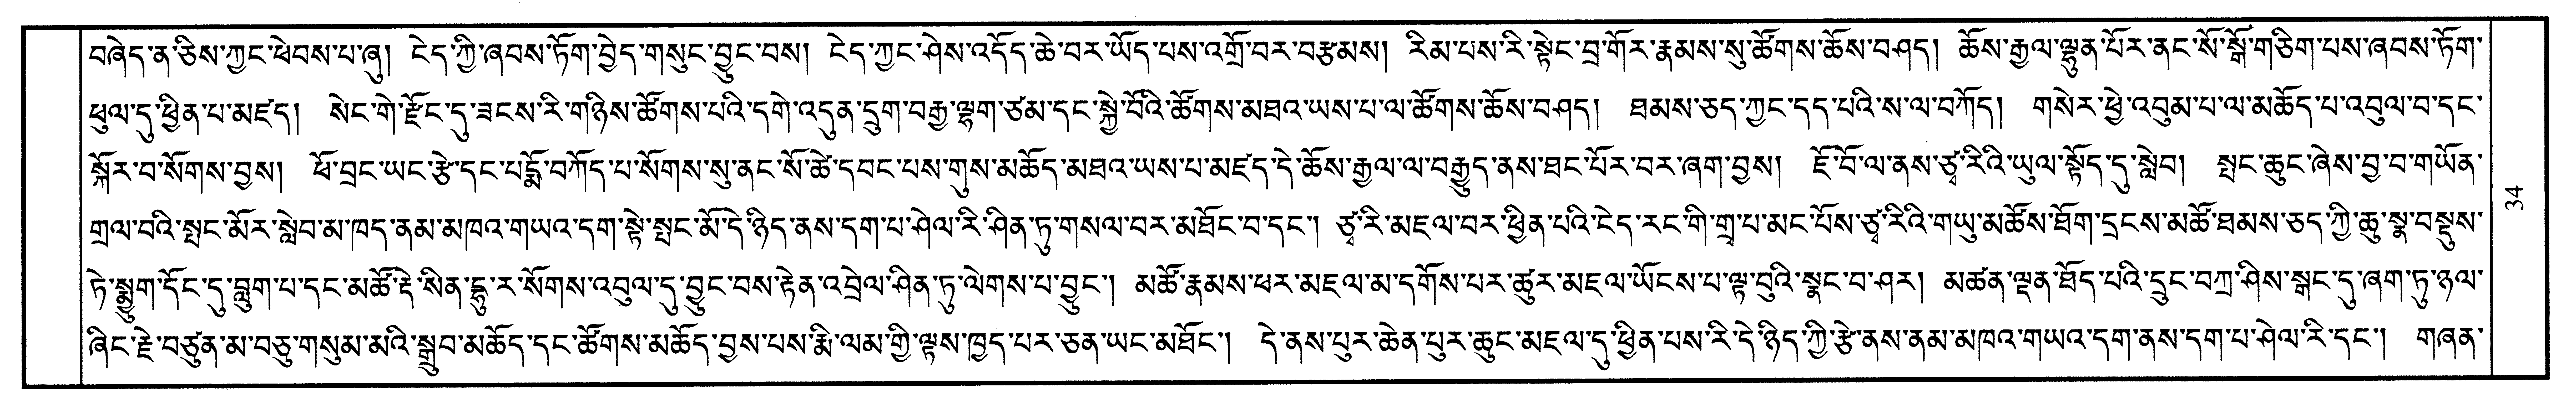བཞེད་ན་ཅིས་ཀྱང་ཕེབས་པ་ཞུ། ངེད་ཀྱི་ཞབས་ཏོག་བྱེད་གསུང་བྱུང་བས། ངེད་ཀྱང་ཤེས་འདོད་ཆེ་བར་ཡོད་པས་འགྲོ་བར་བརྩམས། རིམ་པས་རི་སྟེང་བྲ་གོར་རྣམས་སུ་ཚོགས་ཆོས་བཤད། ཆོས་རྒྱལ་ལྷུན་པོར་ནང་སོ་སྒོ་གཅིག་པས་ཞབས་ཏོག་
ཕུལ་དུ་ཕྱིན་པ་མཛད། སེང་གེ་རྫོང་དུ་ཟངས་རི་གཉིས་ཚོགས་པའི་དགེ་འདུན་དྲུག་བརྒྱ་ལྷག་ཙམ་དང་སྐྱེ་བོའི་ཚོགས་མཐའ་ཡས་པ་ལ་ཚོགས་ཆོས་བཤད། ཐམས་ཅད་ཀྱང་དད་པའི་ས་ལ་བཀོད། གསེར་ཕྱེ་འབུམ་པ་ལ་མཆོད་པ་འབུལ་བ་དང་
སྐོར་བ་སོགས་བྱས། ཕོ་བྲང་ཡང་རྩེ་དང་པདམོ་བཀོད་པ་སོགས་སུ་ནང་སོ་ཚེ་དབང་པས་གུས་མཆོད་མཐའ་ཡས་པ་མཛད་དེ་ཆོས་རྒྱལ་ལ་བརྒྱུད་ནས་ཐང་པོར་བར་ཞག་བྱས། ཇོ་བོ་ལ་ནས་ཙྭ་རིའི་ཡུལ་སྟོད་དུ་སླེབ། སྤང་ཆུང་ཞེས་བྱ་བ་གཡོན་
གྲལ་བའི་སྤང་མོར་སླེབ་མ་ཁད་ནམ་མཁའ་གཡའ་དག་སྟེ་སྤང་མོ་དེ་ཉིད་ནས་དག་པ་ཤེལ་རི་ཤིན་ཏུ་གསལ་བར་མཐོང་བ་དང་། ཙྭ་རི་མཇལ་བར་ཕྱིན་པའི་ངེད་རང་གི་གྲྭ་པ་མང་པོས་ཙྭ་རིའི་གཡུ་མཚོས་ཐོག་དྲངས་མཚོ་ཐམས་ཅད་ཀྱི་ཆུ་སྣ་བསྡུས་
ཏེ་སྨྱུག་དོང་དུ་བླུག་པ་དང་མཚོ་རྡེ་སིན་དྷུ་ར་སོགས་འབུལ་དུ་བྱུང་བས་རྟེན་འབྲེལ་ཤིན་ཏུ་ལེགས་པ་བྱུང་། མཚོ་རྣམས་ཕར་མཇལ་མ་དགོས་པར་ཚུར་མཇལ་ཡོངས་པ་ལྟ་བུའི་སྣང་བ་ཤར། མཚན་ལྡན་ཐོད་པའི་དྲུང་བཀྲ་ཤིས་སྒང་དུ་ཞག་ཏུ་ཉལ་
ཞིང་རྗེ་བཙུན་མ་བཅུ་གསུམ་མའི་སྒྲུབ་མཆོད་དང་ཚོགས་མཆོད་བྱས་པས་རྨི་ལམ་གྱི་ལྟས་ཁྱད་པར་ཅན་ཡང་མཐོང་། དེ་ནས་པུར་ཆེན་པུར་ཆུང་མཇལ་དུ་ཕྱིན་པས་རི་དེ་ཉིད་ཀྱི་རྩེ་ནས་ནམ་མཁའ་གཡའ་དག་ནས་དག་པ་ཤེལ་རི་དང་། གཞན་